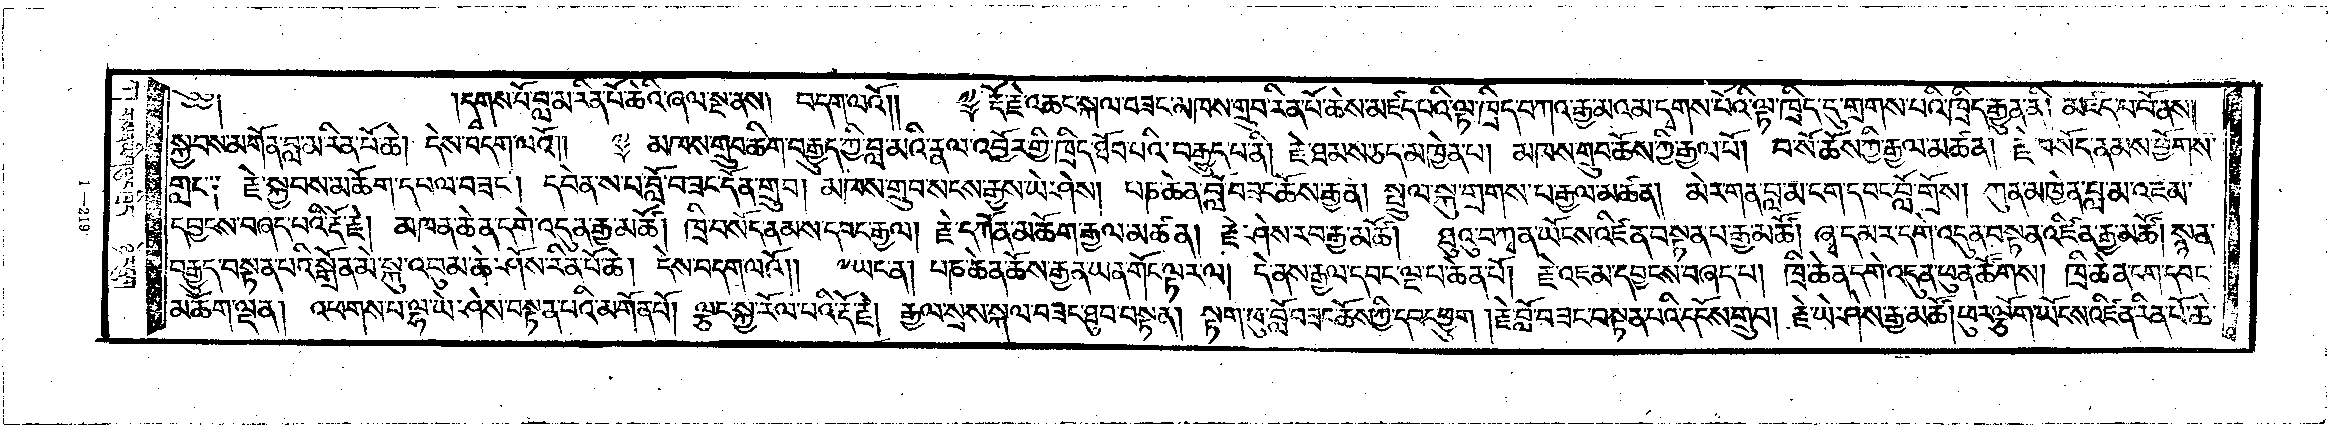༄༅། །དྭགས་པོ་བླ་མ་རིན་པོ་ཆེའི་ཞལ་སྔ་ནས། བདག་ལའོ།། འ་རྡོ་རྗེ་འཆང་སྐལ་བཟང་མཁས་གྲུབ་རིན་པོ་ཆེས་མཛད་པའི་ལྟ་ཁྲིད་བཀའ་རྒྱ་མའམ་དྭགས་པོའི་ལྟ་ཁྲིད་དུ་གྲགས་པའི་ཁྲིད་རྒྱུན་ནི། མཛད་པ་པོ་ནས།
སྐྱབས་མགོན་བླ་མ་རིན་པོ་ཆེ། དེས་བདག་ལའོ།། འ་མཁས་གྲུབ་ཆིག་བརྒྱུད་ཀྱི་བླ་མའི་རྣལ་འབྱོར་གྱི་ཁྲིད་ཐོབ་པའི་བརྒྱུད་པ་ནི། རྗེ་ཐམས་ཅད་མཁྱེན་པ། མཁས་གྲུབ་ཆོས་ཀྱི་རྒྱལ་པོ། བ་སོ་ཆོས་ཀྱི་རྒྱལ་མཚན། རྗེ་བསོད་ནམས་ཕྱོགས་
གླང༑ རྗེ་སྐྱབས་མཆོག་དཔལ་བཟང་། དབེན་ས་པ་བློ་བཟང་དོན་གྲུབ། མཁས་གྲུབ་སངས་རྒྱས་ཡེ་ཤེས། པཎ་ཆེན་བློ་བཟང་ཆོས་རྒྱན། སྤྲུལ་སྐུ་གྲགས་པ་རྒྱལ་མཚན། མེར་གན་བླ་མ་ངག་དབང་བློ་གྲོས། ཀུན་མཁྱེན་བླ་མ་འཇམ་
དབྱངས་བཞད་པའི་རྡོ་རྗེ། མཁན་ཆེན་དགེ་འདུན་རྒྱ་མཚོ། ཁྲི་བསོད་ནམས་དབང་རྒྱལ། རྗེ་དཀོན་མཆོག་རྒྱལ་མཚན། རྗེ་ཤེས་རབ་རྒྱ་མཚོ། ཐུའུ་བཀྭན་ཡོངས་འཛིན་བསྟན་པ་རྒྱ་མཚོ། ཞྭ་དམར་དགེ་འདུན་བསྟན་འཛིན་རྒྱ་མཚོ། སྙན་
བརྒྱུད་བསྟན་པའི་སྒྲོན་མེ་སྐུ་འབུམ་ཆེ་ཤོས་རིན་པོ་ཆེ། དེས་བདག་ལའོ།། ༧ཡང་ན། པཎ་ཆེན་ཆོས་རྒྱན་ཡན་གོང་ལྟར་ལ། དེ་ནས་རྒྱལ་དབང་ལྔ་པ་ཆེན་པོ། རྗེ་འཇམ་དབྱངས་བཞད་པ། ཁྲི་ཆེན་དགེ་འདུན་ཕུན་ཚོགས། ཁྲི་ཆེན་ངག་དབང་
མཆོག་ལྡན། འཕགས་པ་ལྷ་ཡེ་ཤེས་བསྟན་པའི་མགོན་པོ། ལྕང་སྐྱ་རོལ་པའི་རྡོ་རྗེ། རྒྱལ་སྲས་སྐལ་བཟང་ཐུབ་བསྟན། སྟག་ཕུ་བློ་བཟང་ཆོས་ཀྱི་དབང་ཕྱུག །རྗེ་བློ་བཟང་བསྟན་པའི་དངོས་གྲུབ། རྗེ་ཡེ་ཤེས་རྒྱ་མཚོ། ཕུར་ལྕོག་ཡོངས་འཛིན་རིན་པོ་ཆེ་